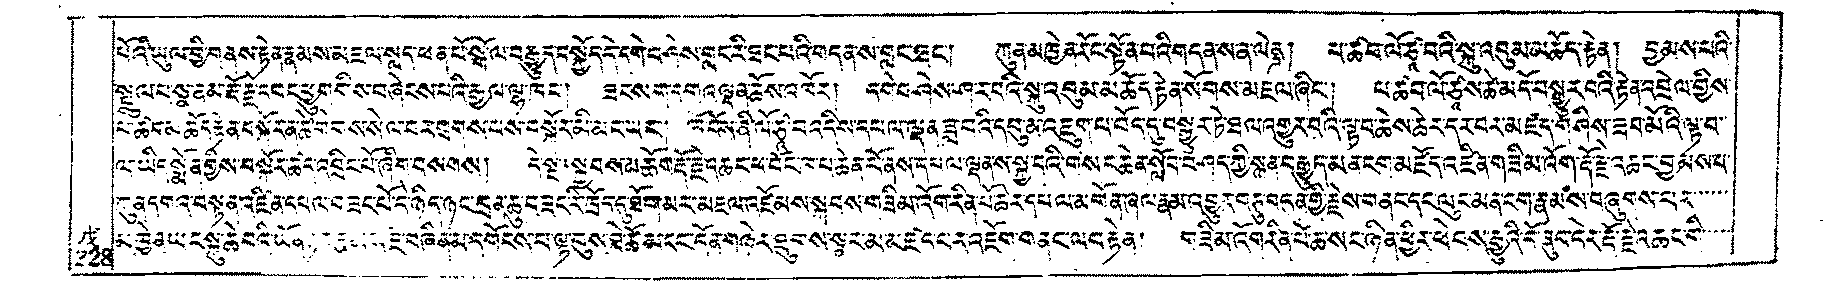པོའི་ཡུལ་གྱི་གནས་རྟེན་རྣམས་མཇལ་སླད་ཕན་པོ་སྒོ་ལ་བརྒྱུད་བསྐྱོད་དེ་དགེ་བཤེས་གླང་རི་ཐང་པའི་གདན་ས་གླང་ཐང་། ཀུན་མཁྱེན་རོང་སྟོན་པའི་གདན་ས་ན་ལེནྜ། པ་ཚབ་ལོ་ཙཱ་བའི་སྐུ་འབུམ་མཆོད་རྟེན། བྱམས་པའི་
སྤྲུལ་པ་སྣ་ནམ་རྡོ་རྗེ་དབང་ཕྱུག་གིས་བཞེངས་པའི་རྒྱལ་ལྷ་ཁང་། ཐང་སག་དགའ་ལྡན་ཆོས་འཁོར། དགེ་བཤེས་ཤར་བའི་སྐུ་འབུམ་མཆོད་རྟེན་སོགས་མཇལ་ཞིང་། པ་ཚབ་ལོ་ཙཱས་ཚེ་མདོ་བསྒྱུར་བའི་རྟེན་འབྲེལ་གྱིས་
པ་ཚབ་མཆོད་རྟེན་བསྐོར་ན་ཚེ་གེགས་སེལ་བར་གྲགས་པས་བསྐོར་མི་མང་ཡང་། ཁོ་བོས་ནི་ལོ་ཙཱ་བ་འདིས་དཔལ་ལྡན་ཟླ་བའི་དབུ་མ་འཇུག་པ་བོད་དུ་བསྒྱུར་ཏེ་ཐལ་འགྱུར་བའི་ལྟ་བ་ཆེས་ཆེར་དར་བར་མཛད་གཤིས་ཟབ་མོའི་ལྟ་བ་
ལ་ཡིད་སྨོན་གྱིས་བསྐོར་ཚད་འབྲིང་པོ་ཞིག་བསགས། དེ་སྔ་༧སྐྱབས་མཆོག་རྡོ་རྗེ་འཆང་ཕ་བོང་ཁ་པ་ཆེན་པོ་ནས་དཔལ་ལྡན་ས་སྐྱ་བའི་གསང་ཆེན་སློབ་བཤད་ཀྱི་སྙན་བརྒྱུད་མན་ངག་མཛོད་འཛིན་གཟིམ་འོག་རྡོ་རྗེ་འཆང་བྱམས་པ་
ཀུན་དགའ་བསྟན་འཛིན་དཔལ་བཟང་པོ་དེ་ཉིད་ཉང་བྲན་ཆུ་བཟང་རི་ཁྲོད་དུ་ཐོག་མར་མཇལ་འཛོམས་སྐབས་གཟིམ་འོག་རིན་པོ་ཆེར་དཔལ་མགོན་ཞལ་རྣམ་འགྱུར་བཅུ་བདུན་གྱི་རྗེས་གནང་དང་ལུང་མན་ངག་རྣམས་བཞུགས་པར་
མཁྱེན་ཡང་སྐུ་ཆེ་བའི་ཡོན་ཏན་རྣམས་ཇི་བཞིན་མ་དགོངས་པ་ལྟ་བུས་ཐེ་ཚོམ་ངང་དོན་གཉེར་ཐུགས་སྣང་མ་མཛད་པར་འཇོག་གནང་ལ་བརྟེན། གཟིམ་འོག་རིན་པོ་ཆེ་སང་ཉིན་ཕྱིར་ཕེབས་རྒྱུའི་དོ་ནུབ་དེར་རྡོ་རྗེ་འཆང་གི་